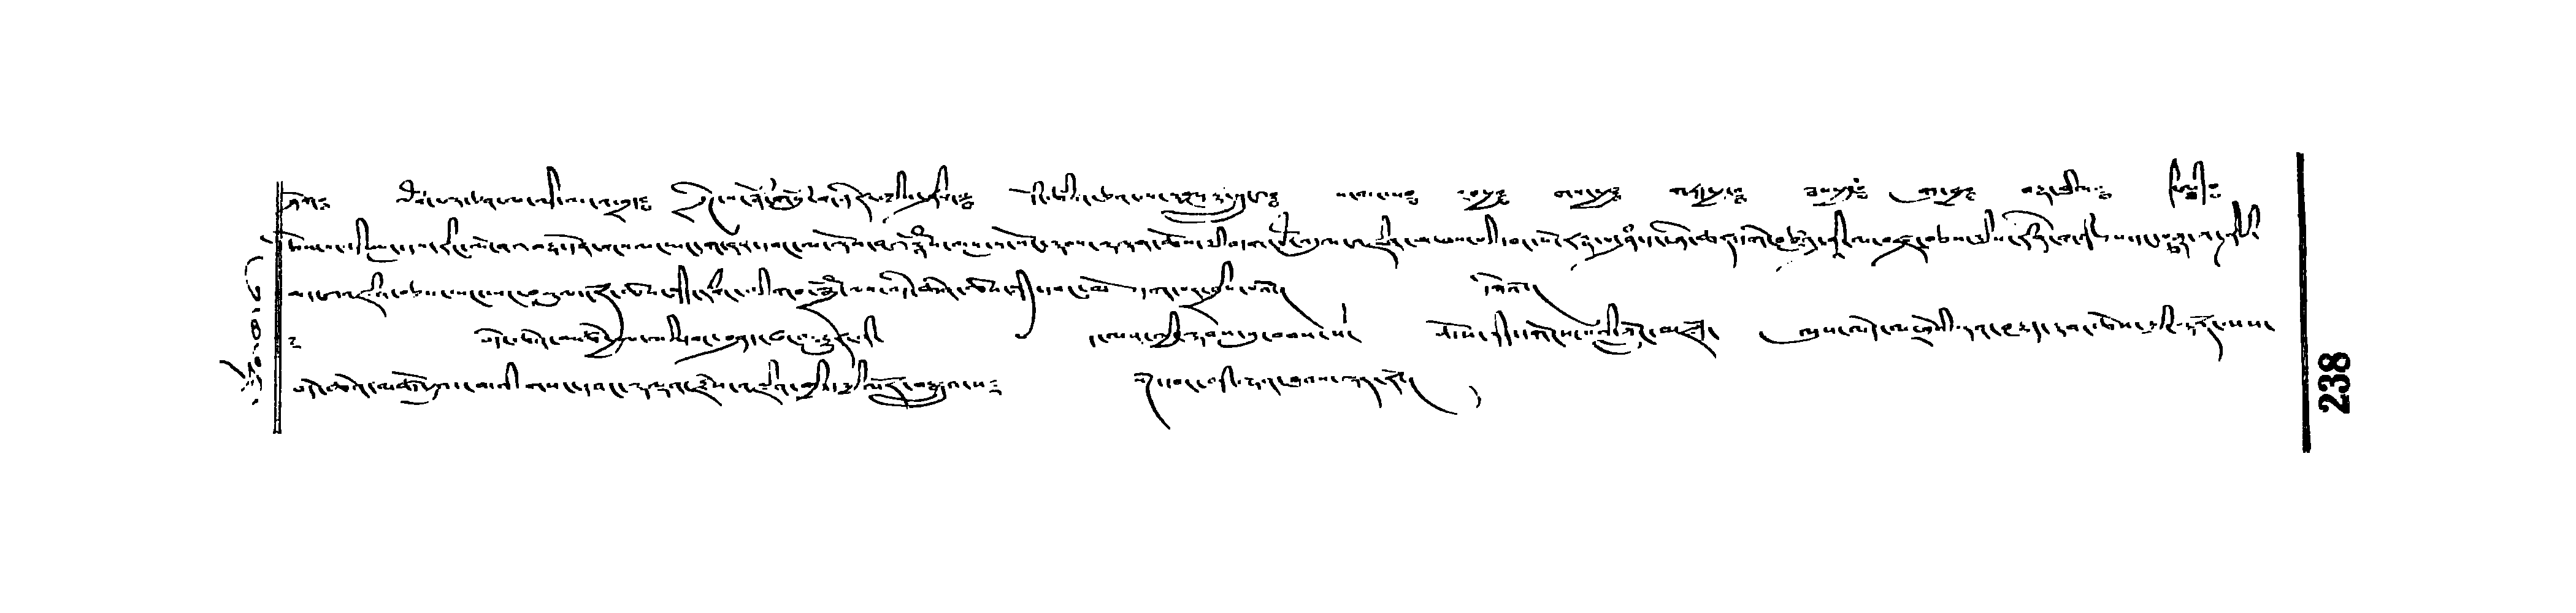ཤོག༔ ལོག་ལྟ་ཅན་ལ་འདི་མ་འཕྲད༔ དྲེགས་པ་རྣམ་གསུམ་གཉེར་གྱིས་ཤིག༔ དམ་ཚིག་ཅན་ལ་རྟག་ཏུ་སྲུངས༔ ས་མ་ཡ༔ ཟབ་རྒྱ༔ གསང་རྒྱ༔ གཏད་རྒྱ༔ སྦས་རྒྱ༔ གུ་ཧྱ༔ བརྡ་ཐིམ༔ ༔ 
ཅེས་པ་འདི་ཡང་དུས་རིང་མོ་ནས་བརྡ་དོན་གསལ་ཡང་གཞན་དབང་ལ་ལྟོས་ནས་སྙོམས་ལས་སུ་སོང་སྐབས་སྐལ་ལྡན་ཆོས་ཀྱི་བདག་པོ་འདུལ་འཛིན་མཁས་པའི་དབང་པོ་རཏྣ་པ་ཤཾ་དང་ཉེ་ཆར་དགེ་བཙུན་ཤཱི་ལ་བཛྲ་བཅས་ཀྱིས་རིན་ཆེན་གཉིས་པ་དང་པཉྩ་ཀ་ཤིའི་
མདངས་འཛིན་བཅས་ཡང་ཡང་བསྐུལ་ངོར་ཆོས་ཉིད་རིག་པའི་གབ་སྒྲོམ་ལས་བདེ་ཆེན་ཆོས་ཉིད་དབང་མོས་དག་པར་བྲིས་པའོ།།དགེའོ།། 
༈ བདེ་ཆེན་མཚོ་རྒྱལ་མའི་དབང་བཤད་ཁ་བསྒྱུར་ནི། ད་ལན་གྱི་སྐབས་སུ་བབས་པ་ཆོས་ཉིད་དགོངས་པའི་ཀློང་མཛོད། ལུས་མེད་མཁའ་འགྲོའི་སྙན་བརྒྱུད་ཟབ་ཆོས་ཀྱི་སྐོར་ལས་
བདེ་ཆེན་མཚོ་རྒྱལ་མའི་གསང་དབང་སྐལ་ལྡན་རྗེས་འཛིན་གྱི་དཀྱིལ་འཁོར་བསྒྲུབ་པ༴ སོགས་དབང་གི་ལྷན་ཐབས་ལྟར་རོ།